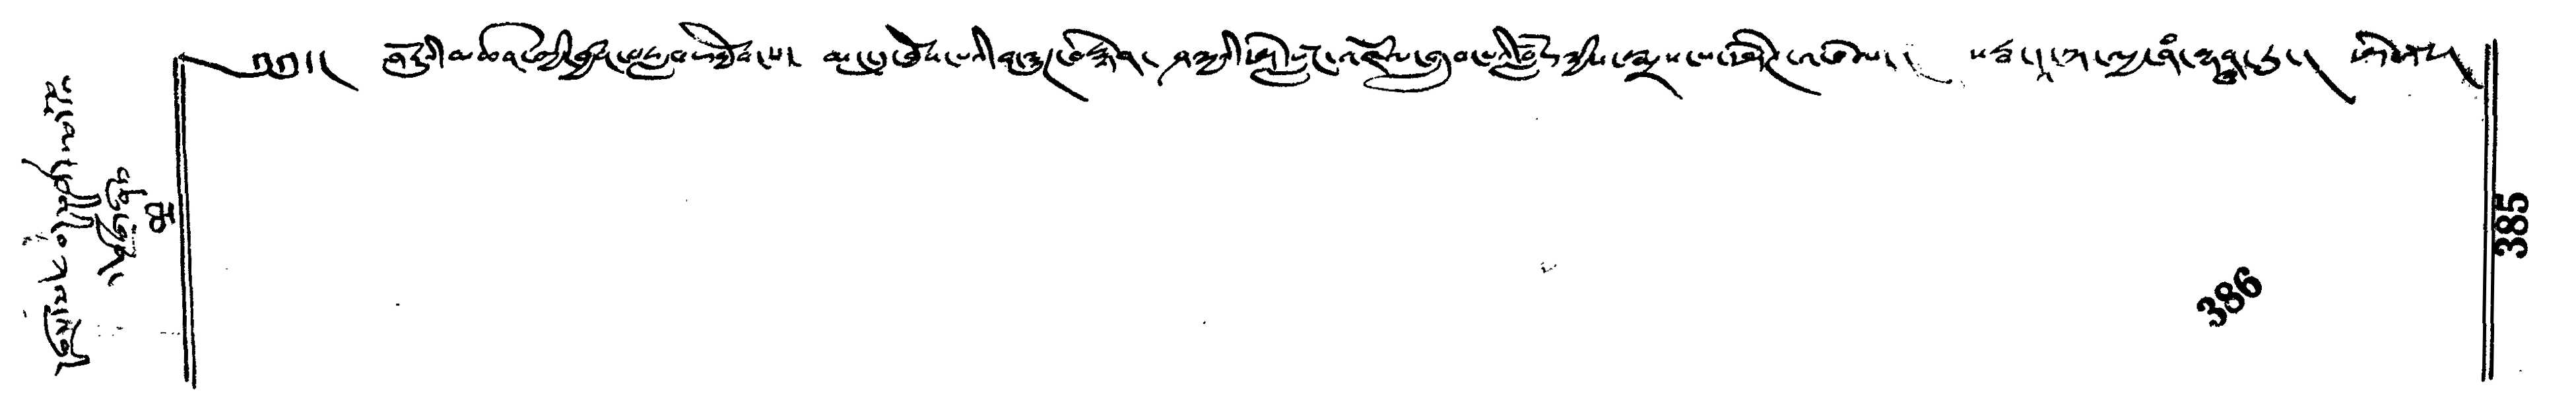ནོར་བུའི་མཚན་གྱི་བྱིན་རླབས་ཐོབ་པ། མང་དུ་ཐོས་པའི་གཟུགས་བརྙན། ཤཱཀྱའི་དགེ་སློང་འཇམ་དཔལ་གྲུབ་པའི་བློ་གྲོས་ཀྱིས་སྨྲས་པ་དགེ་ལེགས་འཕེལ། སརྦ་དཱ་ཀ་ལྱ་ནཾ་བྷ་ཝནྟུ། དགེའོ།།